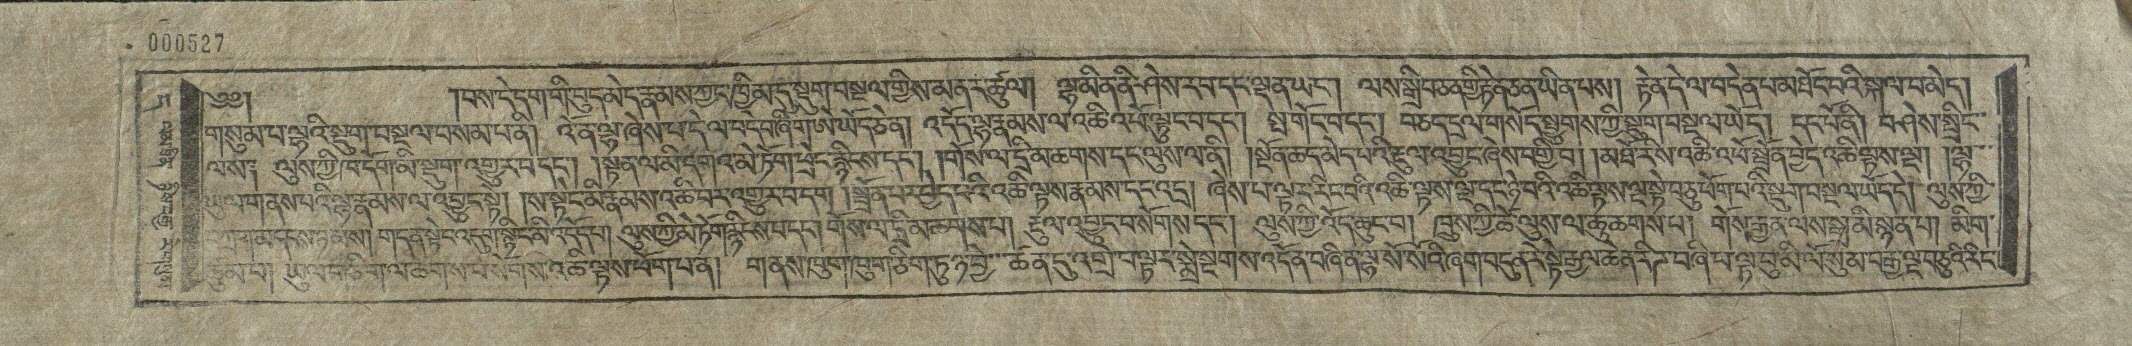༄༅། །བས་དེ་དག་གི་བུད་མེད་རྣམས་ཀྱང་ཁྱིམ་དུ་སྡུག་བསྔལ་གྱིས་མནར་ཚུལ། ལྷ་མིན་ནི་ཤེས་རབ་དང་ལྡན་ཡང་། ལས་སྒྲིབ་ཅན་གྱི་རྟེན་ཅན་ཡིན་པས། རྟེན་དེ་ལ་བདེན་པ་མཐོང་བའི་སྐལ་བ་མེད།
གསུམ་པ་ལྷའི་སྡུག་བསྔལ་བསམ་པ་ནི། འོ་ན་ལྷ་ཞེས་པ་དེ་ལ་བདེ་བ་ཞིག་ཨེ་ཡོད་ཅེ་ན། འདོད་ལྷ་རྣམས་ལ་འཆི་འཕོ་ལྟུང་བ་དང་། སྤ་གོང་བ་དང་། བཅད་དྲལ་གསོང་སྤྱུགས་ཀྱི་སྡུག་བསྔལ་ཡོད། དང་པོ་ནི། བཤེས་སྤྲིང་
ལས༑ ལུས་ཀྱི་ཁ་དོག་མི་སྡུག་འགྱུར་བ་དང་། །སྟན་ལ་མི་དགའ་མེ་ཏོག་ཕྲེང་རྙིངས་དང་། །གོས་ལ་དྲི་མ་ཆགས་དང་ལུས་ལ་ནི། །སྔོན་ཆད་མེད་པའི་རྡུལ་འབྱུང་ཞེས་བགྱི་བ། །མཐོ་རིས་འཆི་འཕོ་སྦྲོན་བྱེད་འཆི་ལྟས་ལྔ། །ལྷ་
ཡུལ་གནས་པའི་ལྷ་རྣམས་ལ་འབྱུང་སྟེ། །ས་སྟེང་མི་རྣམས་འཆི་བར་འགྱུར་བ་དག །སྦྲོན་པར་བྱེད་པའི་འཆི་ལྟས་རྣམས་དང་འདྲ། ཞེས་པ་ལྟར་རིང་བའི་འཆི་ལྟས་ལྔ་དང་ཉེ་བའི་འཆི་ལྟས་ལྔ་སྟེ་བཅུ་ཕོག་པའི་སྡུག་བསྔལ་ཡོད་དེ། ལུས་ཀྱི་
བཀྲག་མདངས་ཉམས། གདན་སྟེང་འདུག་སྙིང་མི་འདོད་པ། ལུས་ཀྱི་མེ་ཏོག་རྙིངས་པ་དང་། གོས་ལ་དྲི་མ་ཆགས་པ། རྔུལ་འབྱུང་བ་སོགས་དང་། ལུས་ཀྱི་འོད་ཆུང་བ། ཁྲུས་ཀྱི་ཚེ་ལུས་ལ་ཆུ་ཆགས་པ། གོས་རྒྱན་ལས་སྒྲ་མི་སྙན་པ། མིག་
ཚུམ་པ། ཡུལ་གཅིག་ལ་ཆགས་པ་སོགས་འཆི་ལྟས་ཕོག་པ་ན། གནས་ཁུག་ཁུག་ཅིག་ཏུ་ཉ་བྱེ་ཚན་དུ་འགྲེ་བ་ལྟར་སྨྲེ་སྔགས་འདོན་བཞིན་ལྷ་སོ་སོའི་ཞག་བདུན་རེ་སྟེ་རྒྱལ་ཆེན་རིགས་བཞི་པ་ལྟ་བུ་མི་ལོ་སུམ་བརྒྱ་ལྔ་བཅུའི་རིང་